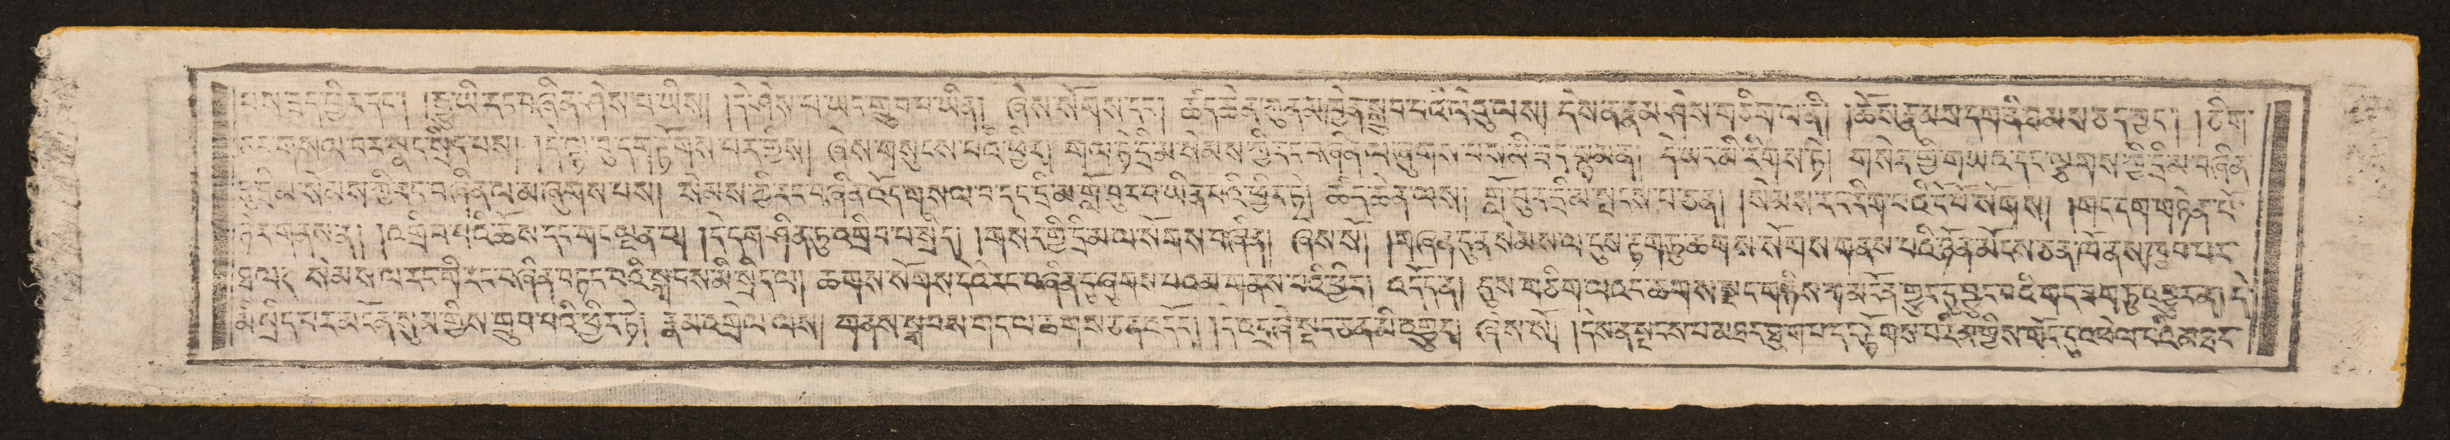པས་ཟད་ཕྱིར་དང་། །རྒྱུ་ཡི་རང་བཞིན་ཤེས་པ་ཡིས། །དེ་ཤེས་པ་ཡང་གྲུབ་པ་ཡིན། ཞེས་སོགས་དང་། ཚད་ཆེན་ཀུན་མཁྱེན་སྒྲུབ་པའི་ལེའུ་ལས། དེས་ན་རྣམ་ཤེས་གཅིག་ལ་ནི། །ཆོས་རྣམས་དག་ནི་ཐམས་ཅད་ཀྱང་། །ཅིག་ཅར་
གསལ་བར་སྣང་སྲིད་པས། །དེ་ལྟ་བུ་དག་རྟོགས་པར་གྱིས། ཞེས་གསུངས་པའི་ཕྱིར། གལ་ཏེ་དྲི་མ་སེམས་ཀྱི་རང་བཞིན་ལ་ཞགས་པས་མི་ཟད་སྙམ་ན། དེ་ཡང་མི་རིགས་ཏེ། གསེར་གྱི་གཡའ་དང་ལྕགས་ཀྱི་དྲི་མ་བཞིན་
དུ་དྲི་མ་སེམས་ཀྱི་རང་བཞིན་ལ་མ་ཞུགས་པས། སེམས་ཀྱི་རང་བཞིན་འོད་གསལ་བ་དང་དྲི་མ་གློ་བུར་བ་ཡིན་པའི་ཕྱིར་ཏེ། ཚང་ཆེན་ལས། གློ་བུར་དྲི་མ་སྤངས་པ་ཅན། །སེམས་རང་རིག་པའི་ངོ་བོ་སོགས། །གང་དག་གཉེན་པོ་
ཉེར་གནས་ན། །འགྲིབ་པའི་ཆོས་དང་གང་ལྡན་པ། །དེ་དག་ཤིན་ཏུ་འགྲིབ་པ་སྲིད། །གསེར་གྱི་དྲི་མ་ལ་སོགས་བཞིན། ཞེས་སོ། གཞན་དུ་ན་སེམས་ལ་དུས་རྟག་ཏུ་ཆགས་སོགས་གནས་པའི་ཉོན་མོངས་ཅན་ཁོ་ནས་ཁྱབ་པར་
ཐལ། སེམས་ལ་རང་གི་རང་བཞིན་གཏང་བའི་སྐབས་མི་སྲིད་ལ། ཆགས་སོགས་དེའི་རང་བཞིན་དུ་ཞུགས་པའམ་གནས་པའི་ཕྱིར། འདོད་ན། དུས་གཅིག་ལའང་ཆགས་སྡང་གཉིས་ཀ་མངོན་གྱུར་དུ་བྱུང་བའི་གང་ཟག་ཏུ་འགྱུར་མ་
དེ་མི་སྲིད་པར་མངོན་སུམ་གྱིས་གྲུབ་པའི་ཕྱིར་ཏེ། རྣམ་འགྲེལ་ལས། གནས་སྐབས་གང་ལ་ཆགས་ཅན་འདོད། །དེ་འདྲ་ཞེ་སྡང་ཅན་མི་འགྱུར། ཞེས་སོ། །དེས་ན་སྤངས་པ་མཐར་ཐུག་པ་དང་རྟོགས་པ་རིམ་གྱིས་གོང་དུ་འཕལ་བའི་མཐར་